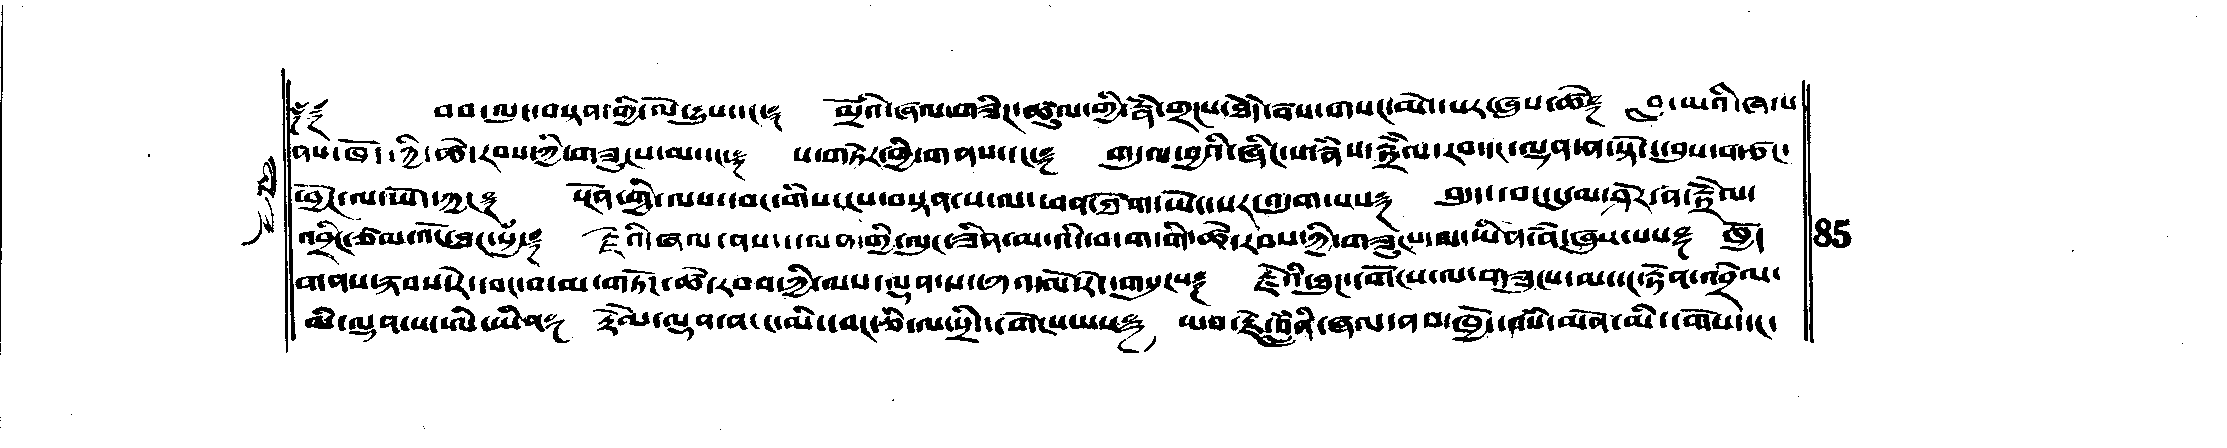བབ་ལུང་བསྟན་གྱི་ལོ་རྒྱུས་དང་། མཁའ་འགྲོའི་ཞལ་གཟིགས་ཚུལ་གྱི་རྣམ་གྲངས་ཐམས་ཅད་སྦས་གསང་མེད་པར་ཞུས་ཚེ།བླ་མའི་ཞལ་
ནས་ཁྱོད་ཀྱི་ཚེ་རབས་ཀྱི་གཟུངས་མ་དང་། ས་གཏེར་གྱིས་གནས་དང་། གདུལ་བྱའི་ཞིང་ས་རྣམས་རྟེན་འབྲེལ་རབ་དང་ལྡན་ན་སྟོད་དབུས་གཙང་
ཕྱོགས་ལ་ཡོད་ཀྱང་། སྔོན་གྱི་ལས་དབང་གིས་ངས་བསྟན་པ་ལ་ཕན་ཐོག་ཡོད་པར་འདུག་པས། བདུད་དབང་དུ་མ་ཤོར་ན་རྟེན་འབྲེལ་
འབྲིང་ཙམ་འོང་ཐང་གསུང་། རྗེའི་ཞལ་ནས་ད་ལན་གྱི་ལུང་ཟིན་མ་འདི་བདག་གི་ཚེ་རབས་ཀྱི་གཟུངས་མ་ཡིན་ནམ་ཞུས་པས། ཁྱོད་
གནས་སྐབས་རེ་དབང་བ་མ་གཏོགས་ཚེ་རབས་ཀྱི་ལས་ལྡན་པ་དཀའ་མོ་རེད་གསུངས། རྗེའི་ཐུགས་དགོངས་ལ་གཟུངས་མ་དང་རྟེན་འབྲེལ་
མི་ལྡན་པ་ཨེ་ཡིན། རྟེན་འབྲེལ་ལྡན་ན་ང་མི་དབང་ཅི་ལ་སྲིད་དགོངས་པས། ཡབ་རྗེ་བླ་མའི་ཞལ་ནས་ཁྱོད་བསམ་མནོ་མི་དགོས་དང་